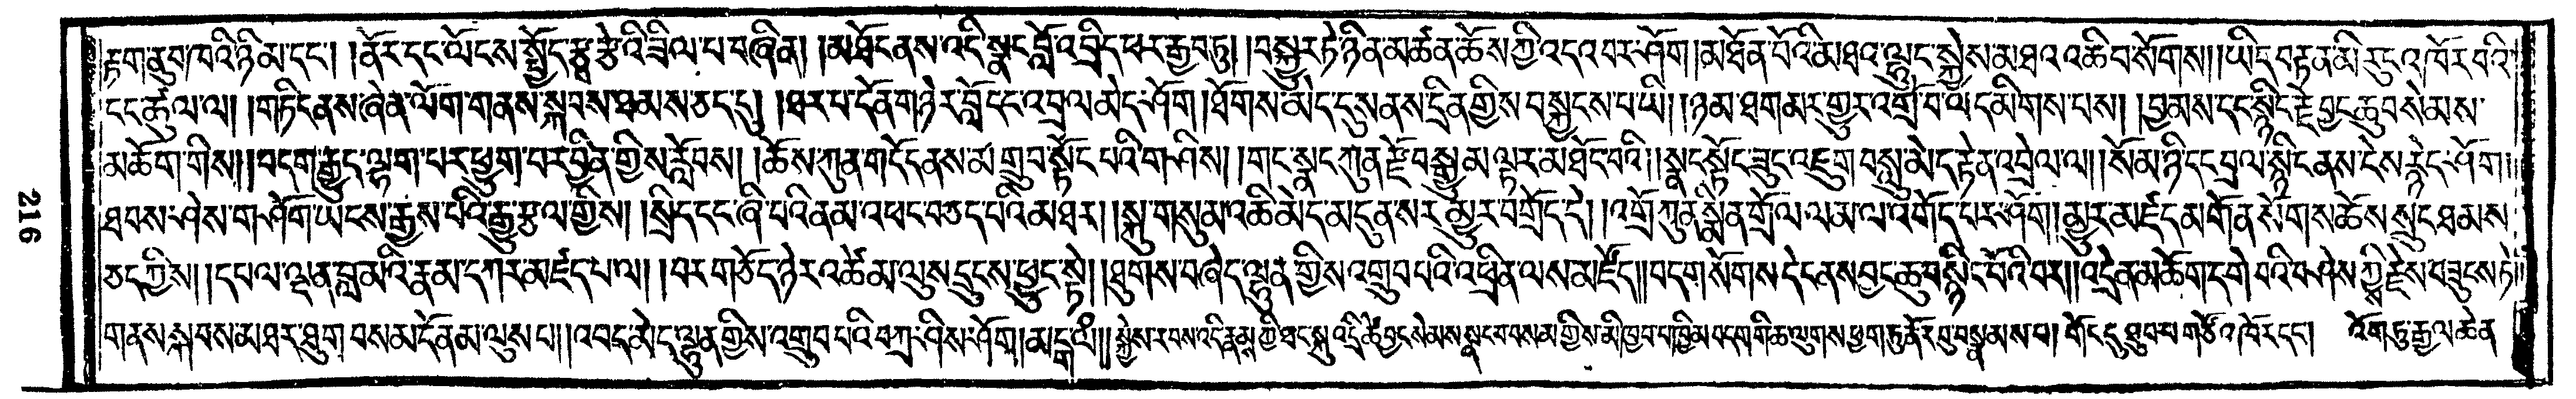རྟག་ནུབ་ཁའི་ཉི་མ་དང་། །ནོར་དང་ལོངས་སྤྱོད་རྩྭ་རྩེའི་ཟིལ་པ་བཞིན། །མཐོང་ནས་འདི་སྣང་བློ་འབྲིད་ཕར་རྒྱབ་ཏུ། །བསྐྱུར་ཏེ་ཉིན་མཚན་ཆོས་ཀྱི་འདའ་བར་ཤོག །མཐོན་བོའི་མཐའ་ལྷུང་སྐྱེས་མཐའ་འཆི་བ་སོགས། །ཡིད་བརྟན་མི་རུང་འཁོར་བའི་
ངང་ཚུལ་ལ། །གཏིང་ནས་ཞེན་ལོག་གནས་སྐབས་ཐམས་ཅད་དུ། །ཐར་པ་དོན་གཉེར་བློ་དང་འབྲལ་མེད་ཤོག །ཐོགས་མེད་དུས་ནས་དྲིན་གྱིས་བསྐྱངས་པ་ཡི། །ཉམ་ཐག་མར་གྱུར་འགྲོ་བ་ལ་དམིགས་པས། །བྱམས་དང་སྙིང་རྗེ་བྱང་ཆུབ་སེམས་
མཆོག་གིས། །བདག་རྒྱུད་ལྷག་པར་ཕྱུག་པར་བྱིན་གྱིས་རློབས། །ཆོས་ཀུན་གདོད་ནས་མ་གྲུབ་སྟོང་པའི་གཤིས། །གང་སྣང་ཀུན་རྫོབ་སྒྱུ་མ་ལྟར་མཐོང་བའི། །སྣང་སྟོང་ཟུང་འཇུག་བསླུ་མེད་རྟེན་འབྲེལ་ལ། །སོམ་ཉི་དང་བྲལ་སྙིང་ནས་ངེས་རྙེད་ཤོག།
ཐབས་ཤེས་གཤོག་ཡངས་རྒྱས་པའི་རྒྱུ་རྩལ་གྱིས། །སྲིད་དང་ཞི་པའི་ནམ་འཕང་བཅད་པའི་མཐར། །སྐུ་གསུམ་འཆི་མེད་མདུན་སར་མྱུར་བགྲོད་དེ། །འགྲོ་ཀུན་སྨིན་གྲོལ་ལམ་ལ་འགོད་པར་ཤོག །མྱུར་མཛད་མགོན་སོགས་ཆོས་སྲུང་ཐམས་
ཅད་ཀྱིས། །དཔལ་ལྡན་བླ་མའི་རྣམ་དཀར་མཛད་པ་ལ། །བར་གཅོད་ཉེར་འཚེ་མ་ལུས་དྲུངས་ཕྱུང་སྟེ། །ཐུགས་བཞེད་ལྷུན་གྱིས་འགྲུབ་པའི་འཕྲིན་ལས་མཛོད། །བདག་སོགས་དེང་ནས་བྱང་ཆུབ་སྙིང་པོའི་བར། །འདྲེན་མཆོག་དགེ་བའི་བཤེས་ཀྱིས་རྗེས་བཟུངས་ཏེ།
གནས་སྐབས་མཐར་ཐུག་བསམ་དོན་མ་ལུས་པ། །འབད་མེད་ལྷུན་གྱིས་འགྲུབ་པའི་བཀྲ་ཤིས་ཤོག །མངྒ་ལཾ།། སྐྱེས་རབས་འདི་རྣམས་ཀྱི་ཐང་སྐུ་འདྲི་ཚེ་བྱང་སེམས་སྣང་བསམ་གྱིས་མི་ཁྱབ་པ་ཁྱིམ་བདག་གི་ཆ་ལུགས་ཕྱག་ཏུ་ནོར་བུ་བསྣམས་པ། གོང་དུ་ཐུབ་པ་གཙོ་འཁོར་དང་། འོག་ཏུ་རྒྱལ་ཆེན་